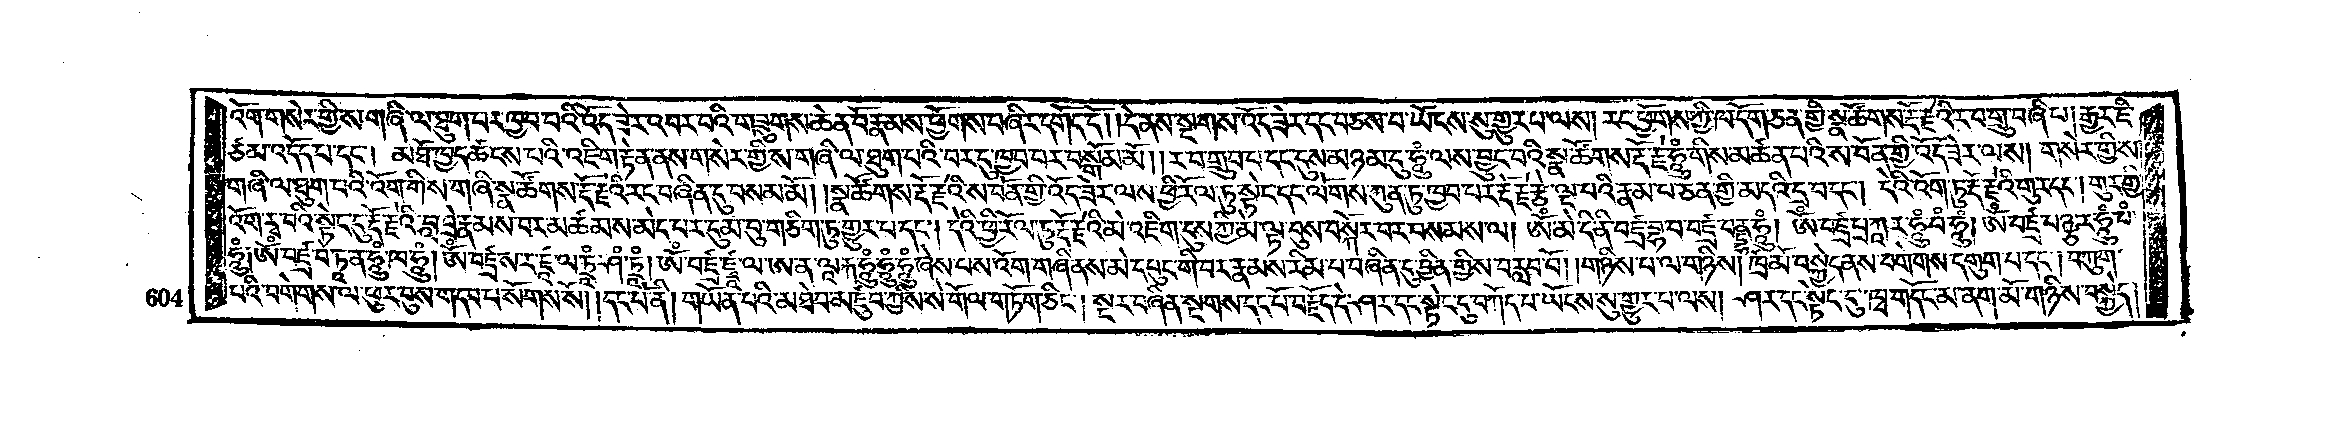འོག་གསེར་གྱི་ས་གཞི་ལ་ཐུག་པར་ཁྱབ་པའི་འོད་ཟེར་འབར་བའི་གཟུགས་ཆེན་པོ་རྣམས་ཕྱོགས་བཞིར་དགོད་དོ། །དེ་ནས་སྔགས་འོད་ཟེར་དང་བཅས་པ་ཡོངས་སུ་གྱུར་པ་ལས། རང་ཕྱོགས་ཀྱི་ཁ་དོག་ཅན་གྱི་སྣ་ཚོགས་རྡོ་རྗེའི་ར་བ་གྲུབ་བཞི་པ། རྒྱར་ཇི་
ཙམ་འདོད་པ་དང་། མཐོ་ཁྱད་ཚངས་པའི་འཇིག་རྟེན་ནས་གསེར་གྱི་ས་གཞི་ལ་ཐུག་པའི་བར་དུ་ཁྱབ་པར་བསྒོམ་མོ། །ར་བ་གྲུབ་པ་དང་དུས་མཉམ་དུ་ཧཱུཾ་ལས་བྱུང་བའི་སྣ་ཚོགས་རྡོ་རྗེ་ཧཱུཾ་གིས་མཚན་པའི་ས་བོན་གྱི་འོད་ཟེར་ལས། གསེར་གྱིས་
གཞི་ལ་ཐུག་པའི་འོག་གི་ས་གཞི་སྣ་ཚོགས་རྡོ་རྗེའི་རང་བཞིན་དུ་བསམ་མོ། །སྣ་ཚོགས་རྡོ་རྗེའི་ས་བོན་གྱི་འོད་ཟེར་ལས་ཕྱི་རོལ་དུ་སྟེང་ནས་ལོགས་ཀུན་ཏུ་ཁྱབ་པར་རྡོ་རྗེ་རྩེ་ལྔ་པའི་རྣམ་པ་ཅན་གྱི་མདའི་དྲ་བ་དང་། དེའི་འོག་ཏུ་རྡོ་རྗེའི་གུར་དང་། གུར་གྱི་
འོག་རྭ་བའི་སྟེང་དུ་རྡོ་རྗེའི་བླ་བྲེ་རྣམས་བར་མཚམས་མེད་པར་དུམ་བུ་གཅིག་ཏུ་གྱུར་པ་དང་། དེའི་ཕྱི་རོལ་ཏུ་རྡོ་རྗེའི་མེ་འཇིག་དུས་ཀྱི་མེ་ལྟ་བུས་བསྐོར་བར་བསམས་ལ། ཨོཾ་མེ་དི་ནི་བཛྲ་བྷ་བ་བཛྲ་བནྡྷ་ཧཱུཾ། ཨོཾ་བཛྲ་པྲ་ཀཱ་ར་ཧཱུཾ་བཾ་ཧཱུཾ། ཨོཾ་བཛྲ་པཉྩ་ར་ཧཱུཾ་པཾ་
ཧཱུཾ། ཨོཾ་བཛྲ་བི་ཏཱ་ན་ཧཱུཾ་ཁཾ་ཧཱུཾ། ཨོཾ་བཛྲ་ས་ར་ཛཱ་ལ་ཏྲཱཾ་ཤཾ་ཏྲཱཾ། ཨོཾ་བཛྲ་ཛྭཱ་ལ་ཨ་ན་ལཱརྐ་ཧཱུཾ་ཧཱུཾ་ཧཱུཾ་ཞེས་པས་འོག་གཞི་ནས་མེ་དཔུང་གི་བར་རྣམས་རིམ་པ་བཞིན་དུ་བྱིན་གྱིས་བརླབ་བོ། །གཉིས་པ་ལ་གཉིས། ཁྲོ་མོ་བསྐྱེད་ནས་བགེགས་དགུག་པ་དང་། བཀུག་
པའི་བགེགས་ལ་ཕུར་བུས་གདབ་པ་སོགས་སོ། །དང་པོ་ནི། གཡོན་པའི་མཐེབ་མཛུབ་ཀྱིས་སེ་གོལ་གཏོག་ཅིང་། སྔར་བཞིན་སྔགས་དང་པོ་བརྗོད་དེ་ཤར་དང་སྟེང་དུ་བཀོད་པ་ཡོངས་སུ་གྱུར་པ་ལས། ཤར་དང་སྟེང་དུ་ཁྭ་གདོང་མ་ནག་མེ་གཉིས་བསྐྱེད།